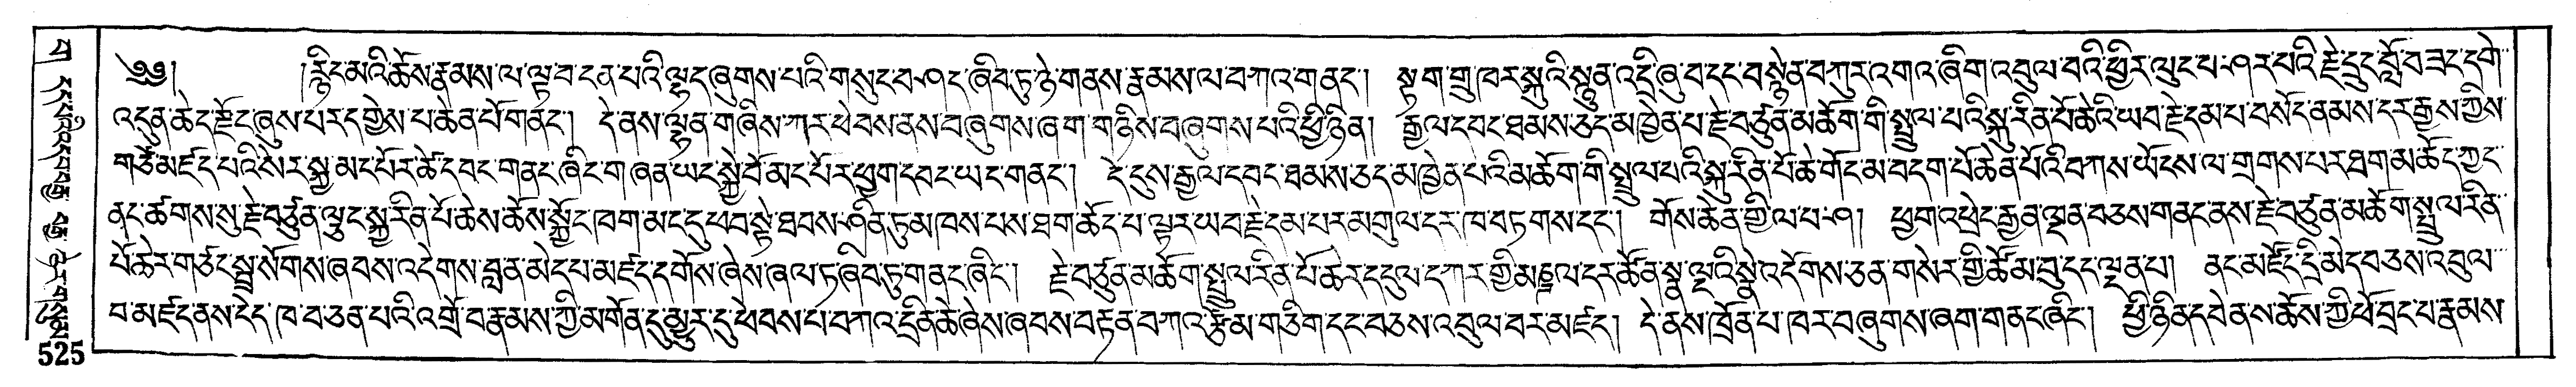༄༅། །རྙིང་མའི་ཆོས་རྣམས་ལ་ལྟ་བ་ངན་པའི་ལྷད་ཞུགས་པའི་གསུང་བཤད་ཞིབ་ཏུ་ཉེ་གནས་རྣམས་ལ་བཀའ་གནང་། སྟག་གྲུ་ཁར་སྐུའི་སྙུན་འདྲི་ཞུ་བ་དང་བསྙེན་བཀུར་འགའ་ཞིག་འབུལ་བའི་ཕྱིར་ལུང་པ་ཤར་པའི་རྗེ་དྲུང་བློ་བཟང་དགེ་
འདུན་ཆེད་རྫོང་ཞུས་པར་དགྱེས་པ་ཆེན་པོ་གནང་། དེ་ནས་ལྷན་གཞིས་ཀར་ཕེབས་ནས་བཞུགས་ཞག་གཉིས་བཞུགས་པའི་ཕྱི་ཉིན། རྒྱལ་དབང་ཐམས་ཅད་མཁྱེན་པ་རྗེ་བཙུན་མཆོག་གི་སྤྲུལ་པའི་སྐུ་རིན་པོ་ཆེའི་ཡབ་རྗེ་དམ་པ་བསོད་ནམས་དར་རྒྱས་ཀྱིས་
གཙོ་མཛད་པའི་སེར་སྐྱ་མང་པོར་ཚེ་དབང་གནང་ཞིང་གཞན་ཡང་སྐྱེ་བོ་མང་པོར་ཕྱག་དབང་ཡང་གནང་། དེ་དུས་རྒྱལ་དབང་ཐམས་ཅད་མཁྱེན་པའི་མཆོག་གི་སྤྲུལ་པའི་སྐུ་རིན་པོ་ཆེ་གོང་མ་བདག་པོ་ཆེན་པོའི་བཀས་ཡོངས་ལ་གྲགས་པར་ཐག་མཆོད་ཀྱང་
ནང་ཆགས་སུ་རྗེ་བཙུན་ལྕང་སྐྱ་རིན་པོ་ཆེས་ཆོས་སྐྱོང་ཁག་མང་དུ་ཕབ་སྟེ་ཐབས་ཤིན་ཏུ་མཁས་པས་ཐག་ཆོད་པ་ལྟར་ཡབ་རྗེ་དམ་པར་མགུལ་དར་ཁ་བཏགས་དང་། གོས་ཆེན་གྱི་ལ་པ་ཤ། ཕྱག་འཕྲེང་རྒྱན་ལྡན་བཅས་གནང་ནས་རྗེ་བཙུན་མཆོག་སྤྲུལ་རིན་
པོ་ཆེར་གཙང་སྤྲ་སོགས་ཞབས་འདེགས་བླ་ན་མེད་བ་མཛད་དགོས་ཞེས་ཞལ་ཏ་ཞིབ་ཏུ་གནང་ཞིང་། རྗེ་བཙུན་མཆོག་སྤྲུལ་རིན་པོ་ཆེར་དངུལ་དཀར་གྱི་མཎྜལ་དར་ཚོན་སྣ་ལྔའི་སྣེ་འདོགས་ཅན་གསེར་གྱི་ཚོམ་བུ་དང་ལྡན་པ། ནང་མཛོད་དྲི་མེད་བཅས་འབུལ་
བ་མཛད་ནས་ངེད་ཁ་བ་ཅན་པའི་འགྲོ་བ་རྣམས་ཀྱི་མགོན་དུ་མྱུར་དུ་ཕེབས་པ་བཀའ་དྲིན་ཆེ་ཞེས་ཞབས་བརྟན་བཀའ་རྩོམ་གཅིག་དང་བཅས་འབུལ་བར་མཛད། དེ་ནས་ཁྲོན་པ་ཁར་བཞུགས་ཞག་གནང་ཞིང་། ཕྱི་ཉིན་དབེན་ས་ཆོས་ཀྱི་ཕོ་བྲང་པ་རྣམས་